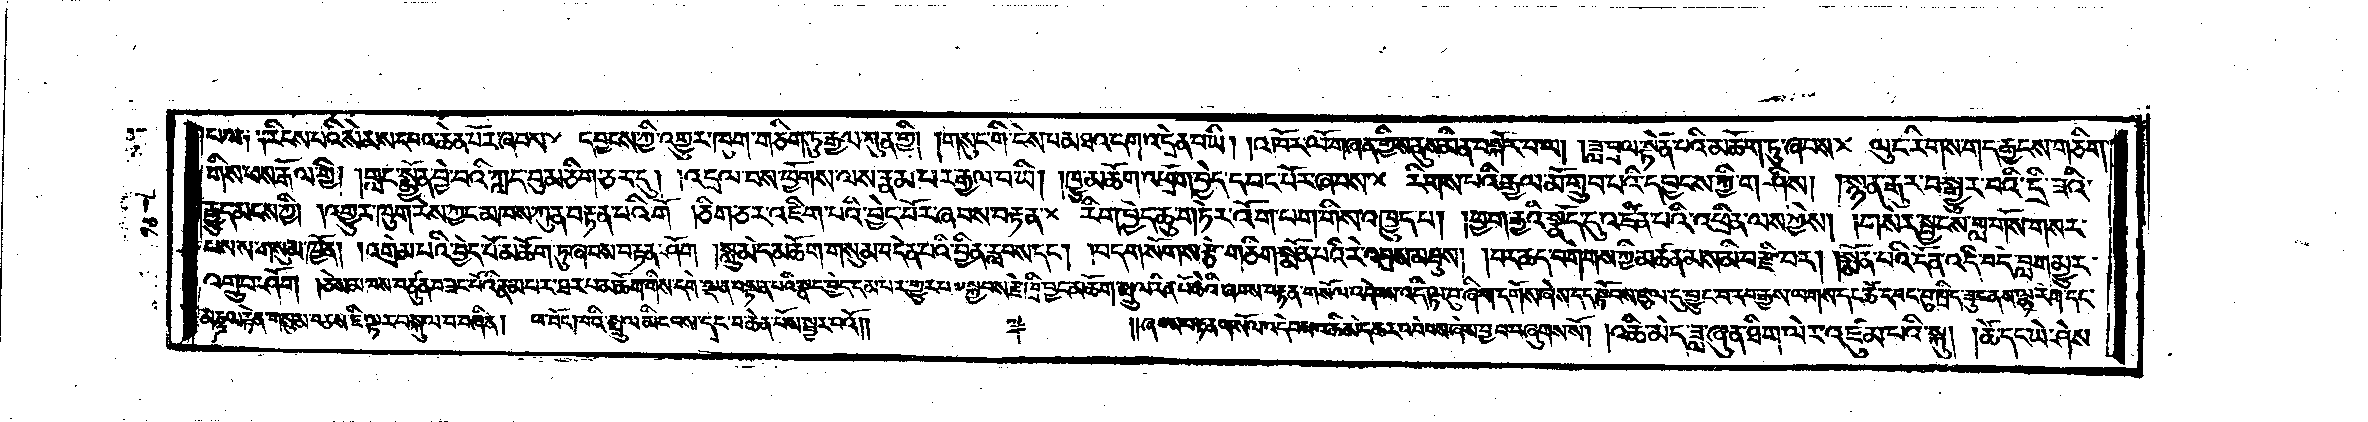པ་ལ༑ ༑རིངས་པའི་སེམས་དཔའ་ཆེན་པོར་ཞབས་྾་དབྱངས་ཀྱི་འགྱུར་ཁུག་གཅིག་ཏུ་རྒྱལ་ཀུན་གྱི། །གསུང་གི་ངེས་པ་མཐའ་དག་འདྲེན་པ་ཡི། །འཁོར་ལོ་གཞན་གྱིས་ནུས་མིན་བསྐོར་བ་ལ། །ཟླ་བྲལ་སྟོན་པའི་མཆོག་ཏུ་ཞབས་྾་ལུང་རིགས་གད་རྒྱངས་གཅིག་
གིས་ཕས་རྒོལ་གྱི། །གླང་སྨྱོན་བྱེ་བའི་ཀླད་བུམ་ཅིག་ཅར་དུ། །འདྲལ་བས་ཕྱོགས་ལས་རྣམ་པར་རྒྱལ་བ་ཡི། །ཁྱུ་མཆོག་འཕྲོག་བྱེད་དབང་པོར་ཞབས་྾་རིགས་པའི་རྒྱལ་མོ་གྲུབ་པའི་དབྱངས་ཀྱི་གཤིས། །སྙན་རྒུར་བསྒྱུར་བའི་དྲི་ཟའི་
རྒྱུད་མངས་ཀྱི། །འགྱུར་ཁུག་རིས་ཀྱང་མཁས་ཀུན་བརྟན་པའི་གོ །ཅིག་ཅར་འཇིག་པའི་བྱེད་པོར་ཞབས་བརྟན་྾་རིག་བྱེད་ཆུ་གཏེར་འོག་པག་གིས་འཁྱུད་པ། །ཕྱག་རྒྱའི་སྣོད་དུ་འཛིན་པའི་འཕྲིན་ལས་ཀྱིས། །གསེར་སྦྱངས་བླ་གོས་གསར་
པས་ས་གསུམ་ཁྱོན། །འགྲེམ་པའི་བྱེད་པོ་མཆོག་ཏུ་ཞབས་བརྟན་ཤོག །སླུ་མེད་མཆོག་གསུམ་བདེན་པའི་བྱིན་རླབས་དང་། །བདག་སོགས་རྩེ་གཅིག་སྨོན་བའི་རེ་འབྲས་མཐུས། །བར་ཆད་བགེགས་ཀྱི་མཚན་མས་མི་བརྫི་བར། །སྨོན་པའི་དོན་འདི་བདེ་བླག་མྱུར་
འགྲུབ་ཤོག །ཅེས་མཁས་བཙུན་བཟང་པོའི་རྣམ་པར་ཐར་པ་མཆོག་གིས་དགེ་ལྡན་བསྟན་པ་རི་སྣང་བྱེད་དམ་པར་གྱུར་པ ༧་སྐྱབས་རྗེ་ཁྲི་བྱང་མཆོག་སྤྲུལ་རིན་པོ་ཆེའི་ཞབས་བརྟན་གསོལ་འདེབས་འདི་ལྟ་བུ་ཞིག་དགོས་ཞེས་དད་སྟོབས་ཕུལ་དུ་བྱུང་བ་རབ་རྒྱས་ལགས་དང་ཆོ་དབང་བུ་ཁྲིད་ཟུང་ནས་ལྷ་རེག་དང་
མཎྜལ་རྟེན་གསུམ་བཅས་ཇི་ལྟར་བསྐུལ་བ་བཞིན། ཕ་བོང་ཁའི་སྤྲུལ་མིང་པས་དྭང་བ་ཆེན་པས་སྦྱར་བའི།། ༈ །།ཞབས་བརྟན་གསོལ་འདེབས་འཆི་མེད་ཆར་འབེབས་ཞེས་བྱ་བ་བཞུགས་ས། །འཆི་མེད་ཟླ་ཞུན་ཐིག་ལེར་འཛུམ་པའི་སྐུ། །ཚེ་དང་ཡེ་ཤེས་